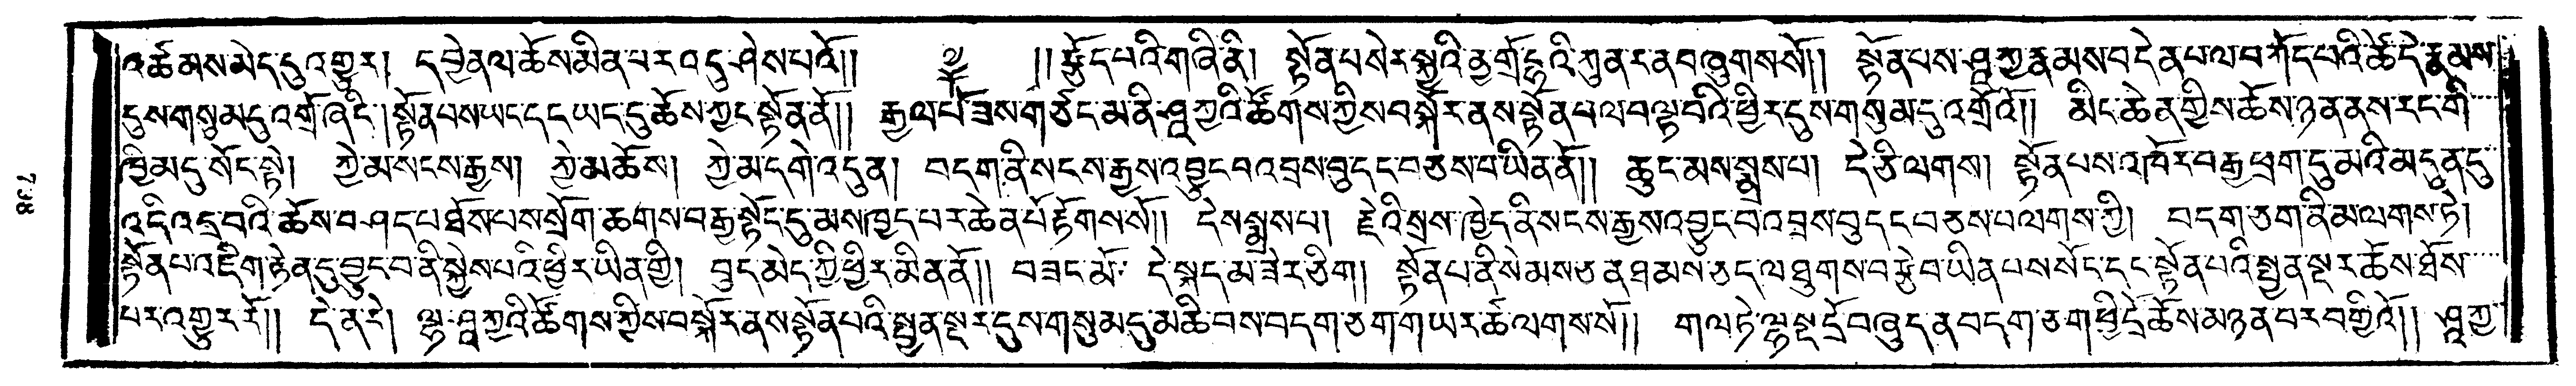འཚམས་མེད་དུ་འགྱུར། དབྱེན་ལ་ཆོས་མིན་པར་འདུ་ཤེས་པའོ།། ༈ །།རྩོད་པའི་གཞི་ནི། སྟོན་པ་སེར་སྐྱའི་ནྱ་གྲོ་དྷའི་ཀུན་རན་བཞུགས་སོ།། སྟོན་པས་ཤཱཀྱ་རྣམས་བདེན་པ་ལ་བཀོད་པའི་ཚེ་དེ་རྣམས་
དུས་གསུམ་དུ་འགྲོ་ཞིང་།སྟོན་པས་ཡང་དང་ཡང་དུ་ཆོས་ཀྱང་སྟོན་ནོ།། རྒྱལ་པོ་ཟས་གཙང་མ་ནི་ཤཱཀྱའི་ཚོགས་ཀྱིས་བསྐོར་ནས་སྟོན་པ་ལ་བལྟ་བའི་ཕྱིར་དུས་གསུམ་དུ་འགྲོའོ།། མིང་ཆེན་གྱིས་ཆོས་ཉན་ནས་རང་གི་
ཁྱིམ་དུ་སོང་སྟེ། ཀྱེ་མ་སངས་རྒྱས། ཀྱེ་མ་ཆོས། ཀྱེ་མ་དགེ་འདུན། བདག་ནི་སངས་རྒྱས་འབྱུང་བ་འབྲས་བུ་དང་བཅས་པ་ཡིན་ནོ།། ཆུང་མས་སྨྲས་པ། དེ་ཅི་ལགས། སྟོན་པས་འཁོར་བརྒྱ་ཕྲག་དུ་མའི་མདུན་དུ་
འདི་འདྲ་བའི་ཆོས་བཤད་པ་ཐོས་པས་སྲོག་ཆགས་བརྒྱ་སྟོང་དུ་མས་ཁྱད་པར་ཆེན་པོ་རྟོགས་སོ།། དེས་སྨྲས་པ། རྗེའི་སྲས་ཁྱེད་ནི་སངས་རྒྱས་འབྱུང་བ་འབྲས་བུ་དང་བཅས་པ་ལགས་ཀྱི། བདག་ཅག་ནི་མ་ལགས་ཏེ།
སྟོན་པ་འཇིག་རྟེན་དུ་བྱུང་བ་ནི་སྐྱེས་པའི་ཕྱིར་ཡིན་གྱི། བུད་མེད་ཀྱི་ཕྱིར་མིན་ནོ།། བཟང་མོ་དེ་སྐད་མ་ཟེར་ཅིག། སྟོན་པ་ནི་སེམས་ཅན་ཐམས་ཅད་ལ་ཐུགས་བརྩེ་བ་ཡིན་པས་སོང་དང་སྟོན་པའི་སྤྱན་སྔར་ཆོས་ཐོས་
པར་འགྱུར་རོ།། དེ་ན་རེ། ལྷ་ཤཱཀྱའི་ཚོགས་ཀྱིས་བསྐོར་ནས་སྟོན་པའི་སྤྱན་སྔར་དུས་གསུམ་དུ་མཆི་བས་བདག་ཅག་གཡར་ཚ་ལགས་སོ།། གལ་ཏེ་ལྷ་སྔ་དྲོ་བཞུད་ན་བདག་ཅག་ཕྱི་དྲོ་ཆོས་མཉན་པར་བགྱིའོ།། ཤཱཀྱ་